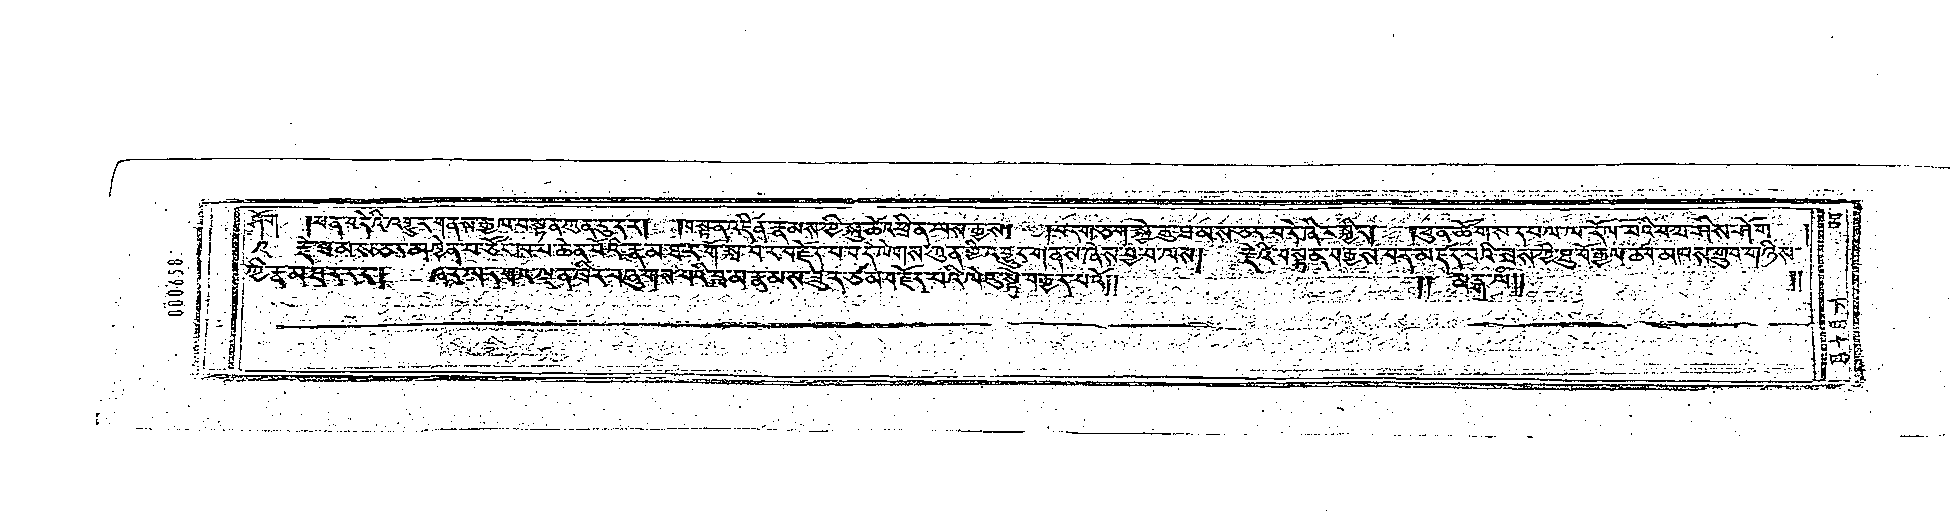ཤོག །ཕན་བདེའི་འབྱུང་གནས་རྒྱལ་བསྟན་ཀུན་ཏུ་དར། །བསྟན་འཛིན་རྣམས་ཀྱི་སྐུ་ཚེ་འཕྲིན་ལས་རྒྱས། །བདག་ཅག་སྐྱེ་རྒུ་ཐམས་ཅད་བདེ་ཞིང་སྐྱིད། །ཕུན་ཚོགས་དཔལ་ལ་རོལ་བའི་བཀྲ་ཤིས་ཤོག །
༧་རྗེ་ཐམས་ཅད་མཁྱེན་པ་ཙོང་ཁ་པ་ཆེན་པོའི་རྣམ་ཐ་གོ་སླ་བར་བརྗོད་པ་བདེ་ལེགས་ཀུན་གྱི་འབྱུང་གནས་ཞེས་བྱ་བ་ལས། རྗེའི་བསྟན་བ་རྒྱས་བར་མཛད་བའི་སྲས་ཀྱི་ཐུ་བོ་རྒྱལ་ཚབ་མཁས་གྲུབ་གཉིས་
ཀྱི་རྣམ་ཐར་དང་། ཞར་ལ་དགའ་ལྡན་ཁྲིར་བཞུགས་པའི་བླ་མ་རྣམས་ཟུར་ཙམ་བརྗོད་པའི་ལེའུ་སྟེ་བརྒྱད་པའོ།། །།མངྒ་ལཾ།། །།